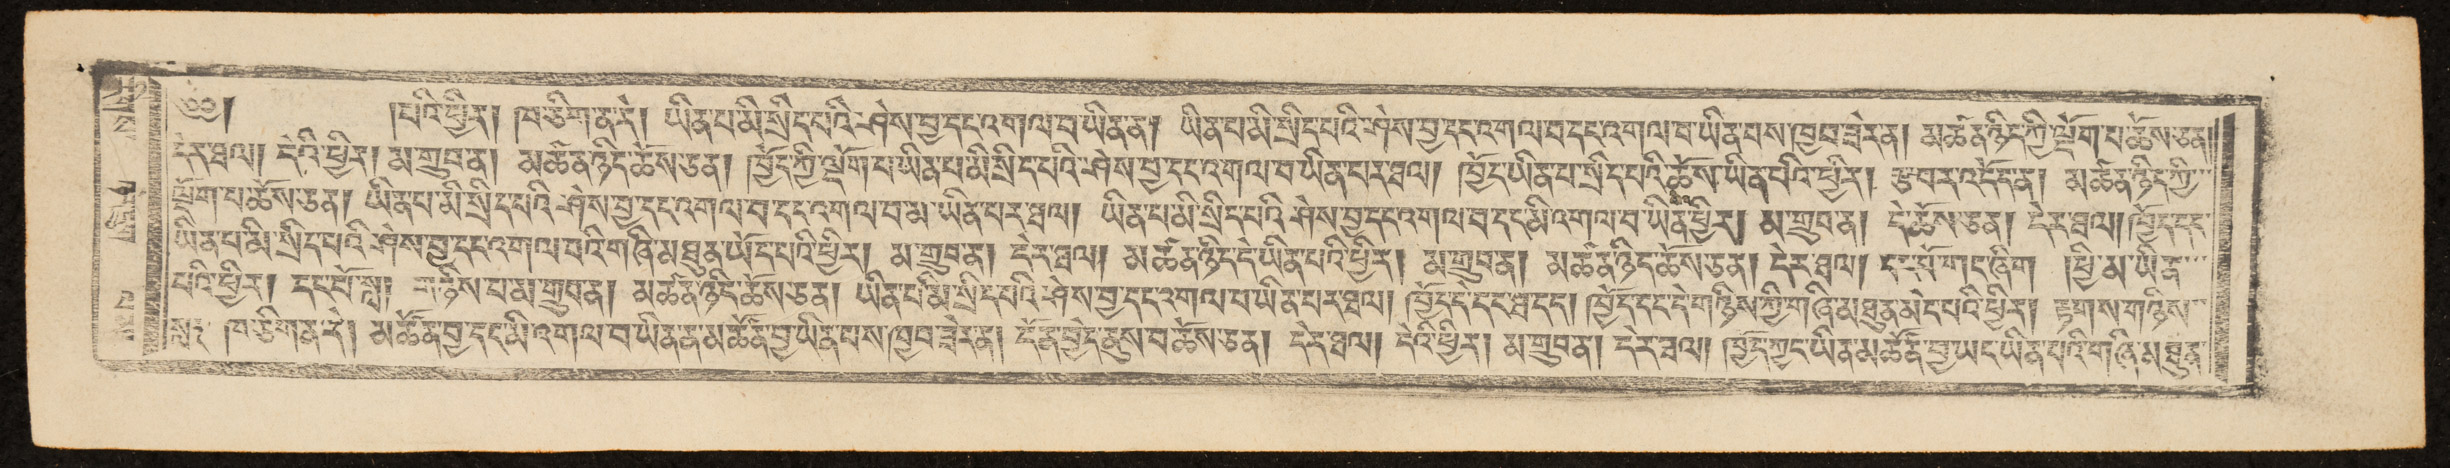༄༅། །པའི་ཕྱིར། ཁ་ཅིག་ན་རེ། ཡིན་པ་མི་སྲིད་པའི་ཤེས་བྱ་དང་འགལ་བ་ཡིན་ན། ཡིན་པ་མི་སྲིད་པའི་ཤེས་བྱ་དང་འགལ་བ་དང་འགལ་བ་ཡིན་པས་ཁྱབ་ཟེར་ན། མཚན་ཉིད་ཀྱི་ལྡོག་པ་ཆོས་ཅན་
དེར་ཐལ། དེའི་ཕྱིར། མ་གྲུབ་ན། མཚན་ཉིད་ཆོས་ཅན། ཁྱོད་ཀྱི་ལྡོག་པ་ཡིན་པ་མི་སྲིད་པའི་ཤེས་བྱ་དང་འགལ་བ་ཡིན་པར་ཐལ། ཁྱོད་ཡིན་པ་སྲིད་པའི་ཆོས་ཡིན་པའི་ཕྱིར། རྩ་བར་འདོད་ན། མཚན་ཉིད་ཀྱི་
ལྡོག་པ་ཆོས་ཅན། ཡིན་པ་མི་སྲིད་པའི་ཤེས་བྱ་དང་འགལ་བ་དང་འགལ་བ་མ་ཡིན་པར་ཐལ། ཡིན་པ་མི་སྲིད་པའི་ཤེས་བྱ་དང་འགལ་བ་དང་མི་འགལ་བ་ཡིན་པའི་ཕྱིར། མ་གྲུབ་ན། དེ་ཆོས་ཅན། དེར་ཐལ། ཁྱོད་དང་
ཡིན་པ་མི་སྲིད་པའི་ཤེས་བྱ་དང་འགལ་བའི་གཞི་མཐུན་ཡོད་པའི་ཕྱིར། མ་གྲུབ་ན། དེར་ཐལ། མཚན་ཉིད་དེ་ཡིན་པའི་ཕྱིར། མ་གྲུབ་ན། མཚན་ཉིད་ཆོས་ཅན། དེར་ཐལ། དང་པོ་གང་ཞིག །ཕྱི་མ་ཡིན་
པའི་ཕྱིར། དང་པོ་སླ། གཉིས་པ་མ་གྲུབ་ན། མཚན་ཉིད་ཆོས་ཅན། ཡིན་པ་མི་སྲིད་པའི་ཤེས་བྱ་དང་འགལ་བ་ཡིན་པར་ཐལ། ཁྱོད་དེ་དང་ཐ་དད། ཁྱོད་དང་དེ་གཉིས་ཀྱི་གཞི་མཐུན་མེད་པའི་ཕྱིར། རྟགས་གཉིས་
སླ། ཁ་ཅིག་ན་རེ། མཚོན་བྱ་དང་མི་འགལ་བ་ཡིན་ན་མཚོན་བྱ་ཡིན་པས་ཁྱབ་ཟེར་ན། དོན་བྱེད་ནུས་པ་ཆོས་ཅན། དེར་ཐལ། དེའི་ཕྱིར། མ་གྲུབ་ན། དེར་ཐལ། ཁྱོད་ཀྱང་ཡིན་མཚོན་བྱ་ཡང་ཡིན་པའི་གཞི་མཐུན་